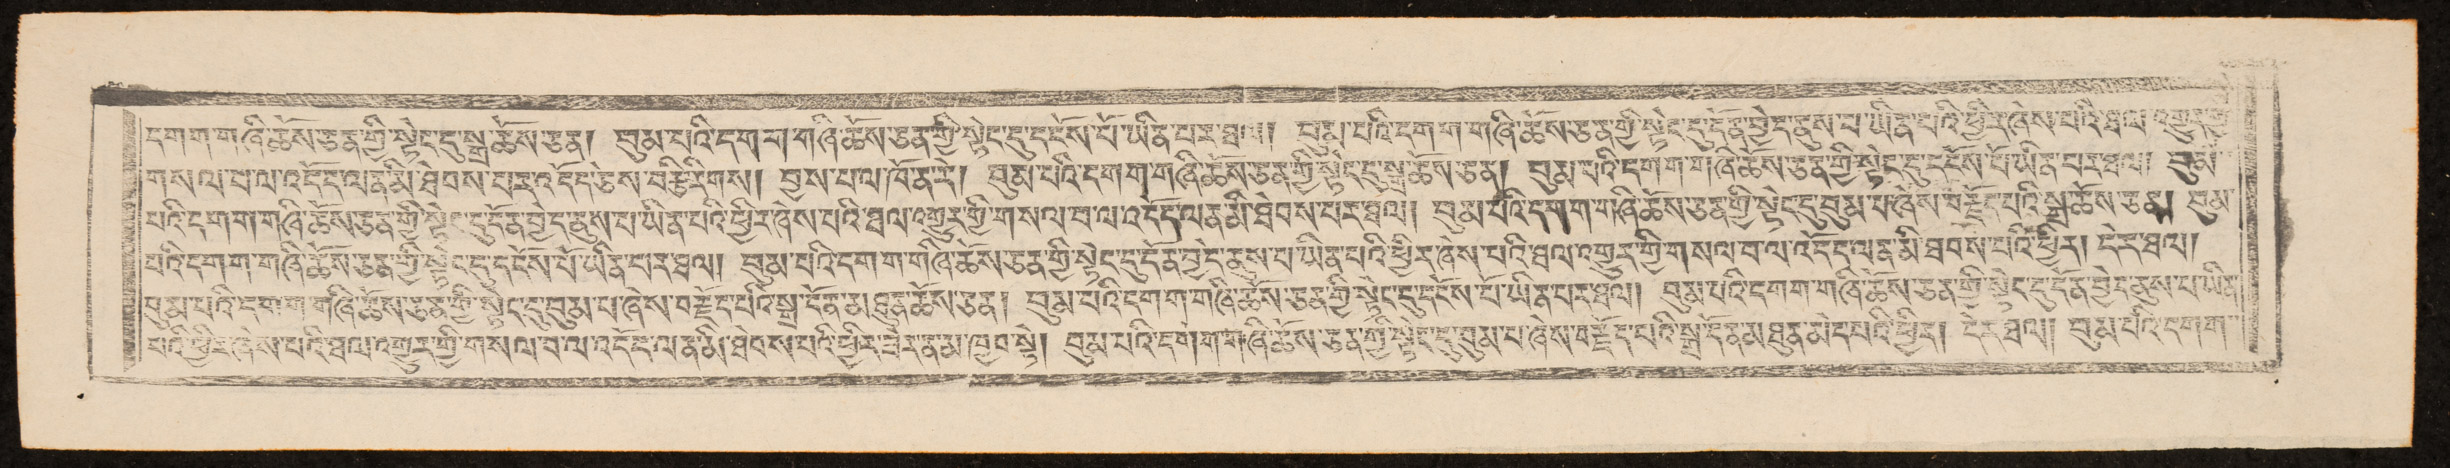དགག་གཞི་ཆོས་ཅན་གྱི་སྟེང་དུ་སྒྲ་ཆོས་ཅན། བུམ་པའི་དགག་གཞི་ཆོས་ཅན་གྱི་སྟེང་དུ་དངོས་པོ་ཡིན་པར་ཐལ། བུམ་པའི་དགག་གཞི་ཆོས་ཅན་གྱི་སྟེང་དུ་དོན་བྱེད་ནུས་པ་ཡིན་པའི་ཕྱིར་ཞེས་པའི་ཐལ་འགྱུར་གྱི་
གསལ་བ་ལ་འདོད་ལན་མི་ཐེབས་པར་འདོད་ཅེས་བརྩི་རིགས། བྱས་པ་ལ་ཁོ་ན་རེ། བུམ་པའི་དགག་གཞི་ཆོས་ཅན་གྱི་སྟེང་དུ་སྒྲ་ཆོས་ཅན། བུམ་པའི་དགག་གཞི་ཆོས་ཅན་གྱི་སྟེང་དུ་དངོས་པོ་ཡིན་པར་ཐལ། བུམ་
པའི་དགག་གཞི་ཆོས་ཅན་གྱི་སྟེང་དུ་དོན་བྱེད་ནུས་པ་ཡིན་པའི་ཕྱིར་ཞེས་པའི་ཐལ་འགྱུར་གྱི་གསལ་བ་ལ་འདོད་ལན་མི་ཐེབས་པར་ཐལ། བུམ་པའི་དགག་གཞི་ཆོས་ཅན་གྱི་སྟེང་དུ་བུམ་པ་ཞེས་བརྗོད་པའི་སྒྲ་ཆོས་ཅན། བུམ་
པའི་དགག་གཞི་ཆོས་ཅན་གྱི་སྟེང་དུ་དངོས་པོ་ཡིན་པར་ཐལ། བུམ་པའི་དགག་གཞི་ཆོས་ཅན་གྱི་སྟེང་དུ་དོན་བྱེད་ནུས་པ་ཡིན་པའི་ཕྱིར་ཞེས་པའི་ཐལ་འགྱུར་གྱི་གསལ་བ་ལ་འདོད་ལན་མི་ཐེབས་པའི་ཕྱིར། དེར་ཐལ།
བུམ་པའི་དགག་གཞི་ཆོས་ཅན་གྱི་སྟེང་དུ་བུམ་པ་ཞེས་བརྗོད་པའི་སྒྲ་དོན་མཐུན་ཆོས་ཅན། བུམ་པའི་དགག་གཞི་ཆོས་ཅན་གྱི་སྟེང་དུ་དངོས་པོ་ཡིན་པར་ཐལ། བུམ་པའི་དགག་གཞི་ཆོས་ཅན་གྱི་སྟེང་དུ་དོན་བྱེད་ནུས་པ་ཡིན་
པའི་ཕྱིར་ཞེས་པའི་ཐལ་འགྱུར་གྱི་གསལ་བ་ལ་འདོད་ལན་མི་ཐེབས་པའི་ཕྱིར་ཟེར་ན་མ་ཁྱབ་སྟེ། བུམ་པའི་དགག་གཞི་ཆོས་ཅན་གྱི་སྟེང་དུ་བུམ་པ་ཞེས་བརྗོད་པའི་སྒྲ་དོན་མཐུན་མེད་པའི་ཕྱིར། དེར་ཐལ། བུམ་པའི་དགག་